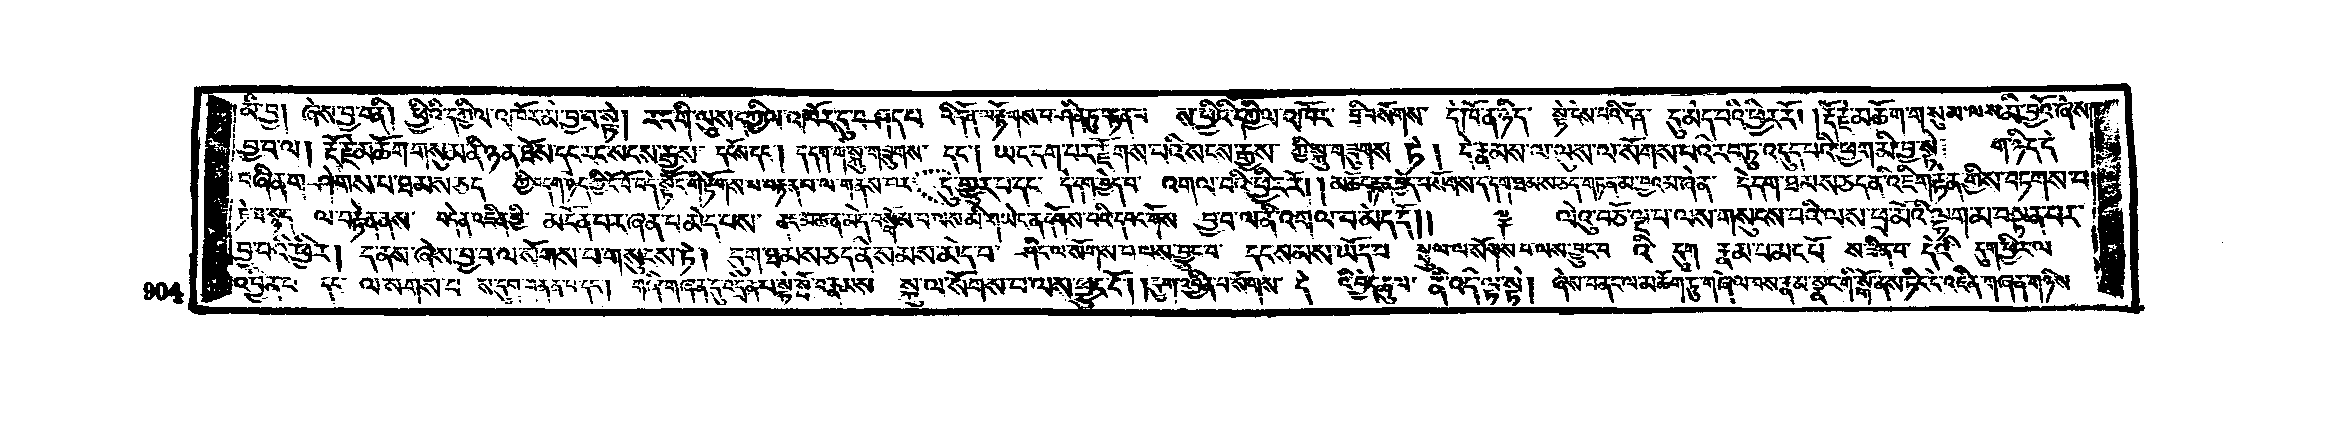མི་བྱ། ཞེས་བྱ་བ་ནི། ཕྱིའི་དཀྱིལ་འཁར་མི་བྱ་བ་སྟེ། རང་གི་ལུས་དཀྱིལ་འཁོར་དུ་བཤད་པའི་དོན་ལ་རྟོགས་པ་ཤིན་ཏུ་བརྟན་པས་ཕྱིའི་དཀྱིལ་འཁོར་ཟིབ་སོགས་དེ་ཁོ་ན་ཉིད་སྟེ་ངེས་པའི་དོན་དུ་མེད་པའི་ཕྱིར་རོ། །རྡོ་རྗེ་མཆོག་གསུམ་བྱ་བ་མི་བྱའོ་ཞེས་
བྱ་བ་ལ། རྡོ་རྗེ་མཆོག་གསུམ་ནི་ཉན་ཐོས་དང་རང་སངས་རྒྱས་དངོས་དང་། དེ་དག་གི་སྐུ་གཟུགས་དང་། ཡང་དག་པར་རྫོགས་པའི་སངས་རྒྱས་ཀྱི་སྐུ་གཟུགས་ཏེ། དེ་རྣམས་ལ་ལུས་ལ་སོགས་པའི་རབ་ཏུ་འདུད་པའི་ཕྱག་མི་བྱ་སྟེ། དེ་དག་ཉིད་དེ་
བཞིན་གཤེགས་པ་ཐམས་ཅད་ཀྱི་བདག་ཉིད་ཀྱི་ངོ་བོ་བདེ་སྟོང་གི་རྟོགས་པ་བརྟན་པ་ལ་གནས་པར་དུ་གྱུར་པ་དང་དེ་དག་བྱེད་པ་འགལ་བའི་ཕྱིར་རོ། ། མཆོད་རྟེན་བྱེད་པ་སོགས་དེ་དག་ཐམས་ཅད་གཏན་མི་བྱའམ་ཞེ་ན་དེ་དག་ཐམས་ཅད་ནི་འཇིག་རྟེན་གྱིས་བཏགས་པ་
ཏེ་ཐ་སྙད་ལ་བརྟེན་ནས་བདེན་འཛིན་གྱི་མངོན་པར་ཞན་པ་མེད་པས་ནང་མཆན་མེད་བསྒོམ་པ་ལས་མི་གཡེང་ན་དགོས་པའི་དབང་གོ་བྱ་བ་ལ་ནི་འགལ་བ་མེད་དོ།། ༈ ལེའུ་བཅོ་ལྔ་པ་ལས་གསུངས་པའི་ལས་ཕྲ་མོའི་ལྷག་མ་བསྟན་པར་
བྱ་བའི་ཕྱིར། དེ་ནས་ཞེས་བྱ་བ་ལ་སོགས་པ་གསུངས་ཏེ། དུག་ཐམས་ཅད་ནི་སེམས་མེད་པ་ཤིང་ལ་སོགས་པ་ལས་བྱུང་བ་དང་སེམས་ཡོད་པ་སྦུལ་ལ་སོགས་པ་ལས་བྱུང་བའི་དུག་རྣམ་པ་མང་པོས་ཟིན་པ་དེའི་དུག་ཕྱིར་ལ་
འབྱིན་པ་དང་ལ་སོགས་པས་དུག་གནན་པ་དང་། གཞི་གཞན་དུ་འདྲེན་པ་སྟེ་སྤོ་བ་རྣམས་སྐུ་ལ་སོགས་པ་ལས་ཕྱུང་ངོ། །དུག་འབྱིན་པ་སོགས་དེའི་བྱེད་ཚུལ་ནི་འདི་ལྟ་སྟེ། ཞེས་པ་ནང་ལ་མཆོག་ཏུ་གཞོལ་བས་རྣམ་སྣང་གི་སྒོ་ནས་ཏིང་ངེ་འཛིན་གཞན་གཉིས་